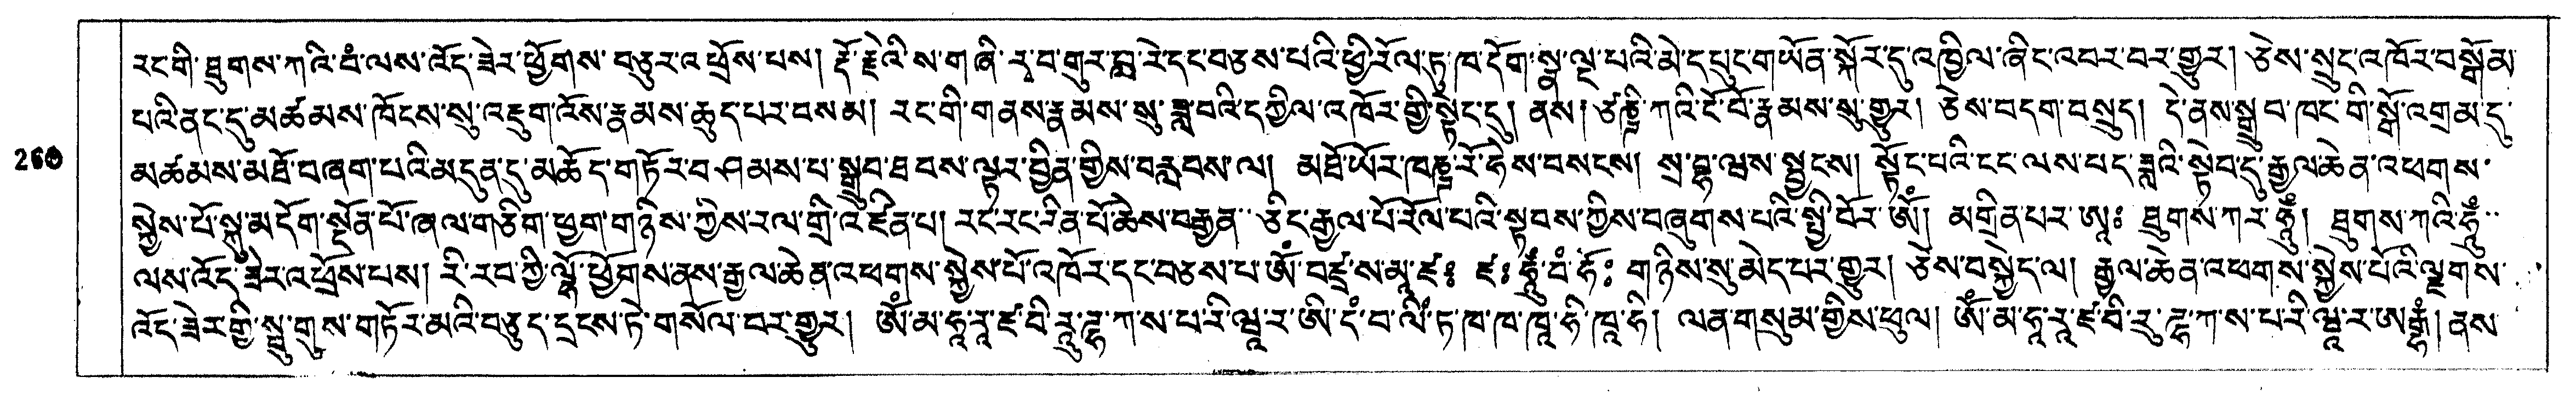རང་གི་ཐུགས་ཀའི་བཾ་ལས་འོད་ཟེར་ཕྱོགས་བཅུར་འཕྲོས་པས། རྡོ་རྗེའི་ས་གཞི་རྭ་བ་གུར་བླ་རེ་དང་བཅས་པའི་ཕྱི་རོལ་ཏུ་ཁ་དོག་སྣ་ལྔ་པའི་མེད་བུང་གཡོན་སྐོར་དུ་འཁྱིལ་ཞིང་འབར་བར་གྱུར། ཅེས་སྲུང་འཁོར་བསྒོམས་
པའི་ནང་དུ་མཚམས་ཁོངས་སུ་འཇུག་འོས་རྣམས་ཆུང་བར་བསམ། རང་གི་གནས་རྣམས་སུ་ཟླ་བའི་དཀྱིལ་འཁོར་གྱི་སྟེང་དུ། ནས༑ ཙཎྜི་ཀའི་ངོ་བོ་རྣམས་སུ་གྱུར། ཅེས་བདག་བསྲུང་། དེ་ནས་སྒྲུབ་ཁང་གི་སྒོ་འགྲམ་དུ་
མཚམས་མཐོ་བཞག་པའི་མདུན་དུ་མཆོད་གཏོར་བཤམས་པ་སྒྲུབ་ཐབས་ལྟར་བྱིན་གྱིས་བརླབས་ལ། མཐོ་ཡོར་ཁཎྜ་རོ་ཧེས་བསངས། སྭ་བྷཱ་ཝས་སྦྱངས། སྟོང་པའི་ངང་ལས་པད་ཟླའི་སྟེང་དུ་རྒྱལ་ཆེན་འཕགས་
སྐྱེས་པོ་སྐུ་མདོག་སྔོན་པོ་ཞལ་གཅིག་ཕྱག་གཉིས་ཀྱིས་རལ་གྲི་འཛིན་པ། དར་དང་རིན་པོ་ཆས་བརྒྱན་ཅིང་རྒྱལ་པོ་རོལ་པའི་སྟབས་ཀྱིས་བཞུགས་པའི་སྤྱི་བོར་ཨོཾ། མགྲིན་པར་ཨཱཿ ཐུགས་ཀར་ཧཱུཾ། ཐུགས་ཀའི་ཧཱུཾ་
ལས་འོད་ཟེར་འཕྲོས་པས། རི་རབ་ཀྱི་ལྷོ་ཕྱོགས་ནས་རྒྱལ་ཆེན་འཕགས་སྐྱེས་བོ་འཁོར་དང་བཅས་པ་ཨོཾ་བཛྲ་ས་མཱ་ཛཿ ཛཿ ཧཱུཾ་བཾ་ཧོཿ གཉིས་སུ་མེད་པར་གྱུར། ཅེས་བསྐྱེད་ལ། རྒྱལ་ཆེན་འཕགས་སྐྱེས་བོའི་ལྗགས་
འོད་ཟེར་གྱི་སྦུ་གུས་གཏོར་མའི་བཅུད་དྲངས་ཏེ་གསོལ་བར་གྱུར། ཨོཾ་མཧཱ་རཱ་ཛ་བི་རཱུ་ཌྷ་ཀ་ས་བ་རི་ཝཱ་ར་ཨི་དཾ་བ་ལིཾ་ཏ་ཁ་ཁ་ཁཱ་ཧི་ཁཱ་ཧི། ལན་གསུམ་གྱིས་ཕུལ། ཨོཾ་མཧཱ་རཱ་ཛ་བི་རུ་ཌྷ་ཀ་ས་པ་རི་ཝཱ་ར་ཨརྒྷཾ། ནས་